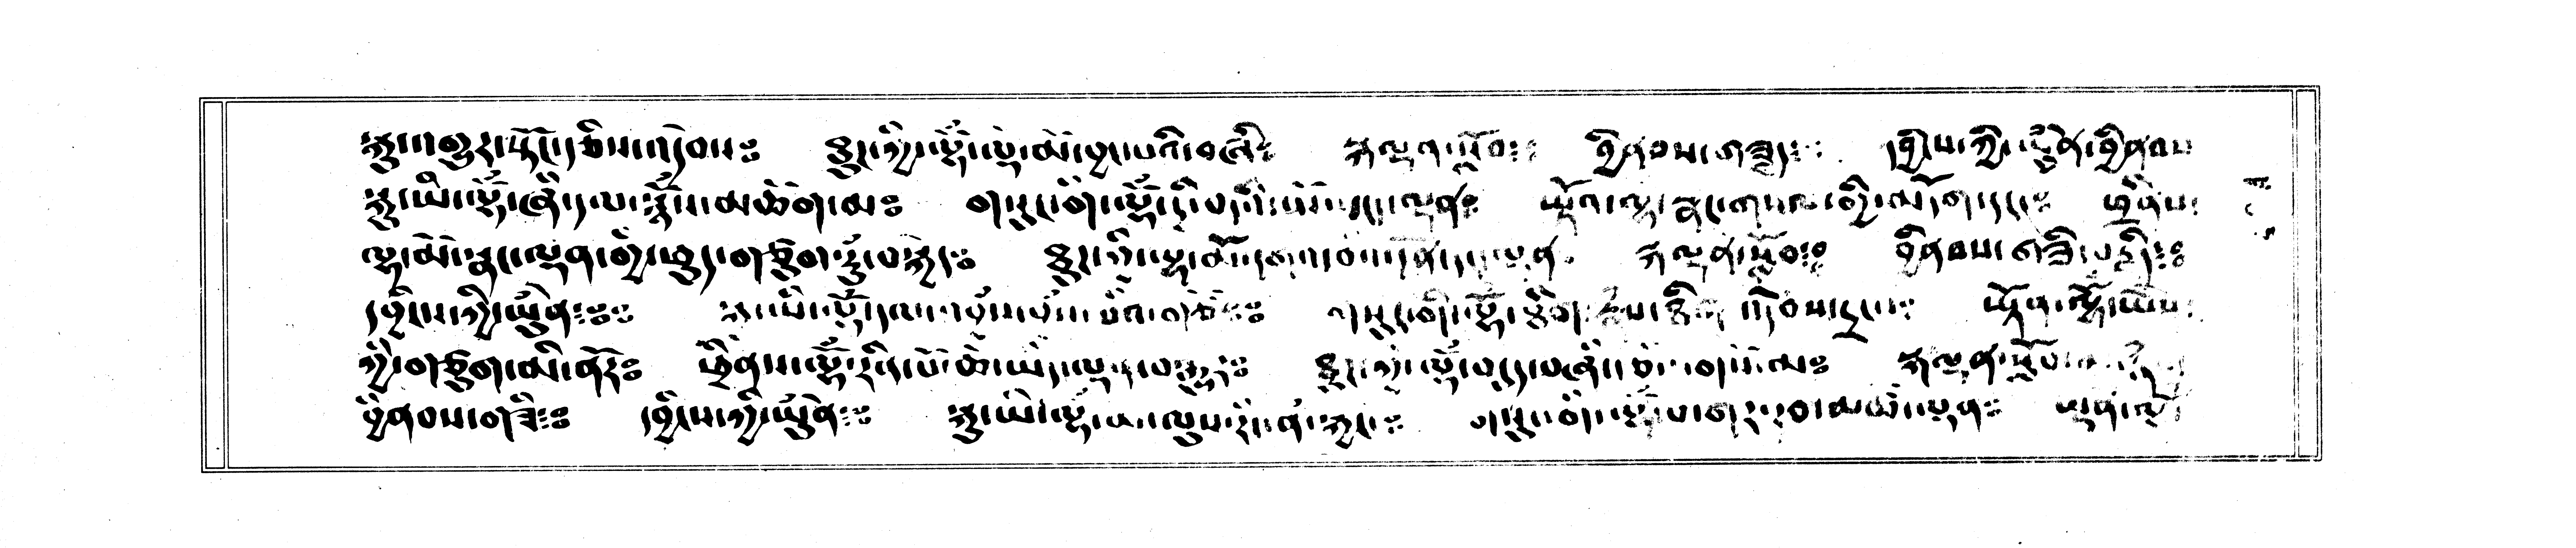སྐུ་འགྱུར་སྟོང་རྩིས་འདེབསཿ ཐུགས་ཀྱི་ལྷ་མོ་ལྡེ་མོ་བྱང་པའི་གཞིཿ སྐལ་ལྡན་སློབ་མ་རྣམས་ལ་དབང་བསྐུར་བསཿ བྱིན་རླབས་གཟི་བརྗིད་འགྲོ་འདྲེན་དབང་ཐོབ་ཤོགཿ དབྱིངས་ཀྱི་ཡུམ་ཆེན་བྱིན་རླབས་ལས་བྱུང་བཿ
 སྐུ་ཡི་ལྷ་མོ་ཞི་དལ་སྙོམས་མཆོག་མཿ གསུང་གི་ལྷ་མོ་དྲི་བདའི་སྤོས་ངད་ལྡནཿ ཡོན་ཏན་གྱི་ལྷ་མོ་སྣང་གསལ་མདོག་ལྡན་མཿ ཕྲིན་ལས་
ལྷ་མོ་སྣང་ལྡན་གྱི་ཕུད་གཙུག་རུམ་བསྐྱེདཿ ཐུགས་ཀྱི་ལྷ་མོ་དགའ་བའི་དོན་དང་ལྡནཿ སྐལ་ལྡན་སློབ་མ་རྣམས་ལ་དབང་བསྐུར་བསཿ བྱིན་རླབས་གཟི་བརྗིད་འགྲོ་འདྲེན་དབང་ཐོབ་ཤོགཿ
 དབྱིངས་ཀྱི་ཡུམ་ཆེན་བྱིན་རླབས་ལས་བྱུང་བཿ སྐུ་ཡི་ལྷ་མོ་དལ་འབྱམས་བྱམས་པའི་གཙོཿ གསུང་གི་ལྷ་མོ་ཐིག་ནམ་ཐིག་འདེབས་དྲངཿ ཡོན་ཏན་ལྷ་མོ་ཡེ་ཤེས་
གཙུག་མི་ནོར་མཿ ཕྲིན་ལས་ཀྱི་ལྷ་མོ་རིན་པོ་ཆེར་ཡིད་ལྡན་བསྒྱུརཿ ཐུགས་ཀྱི་ལྷ་མོ་བདུད་བཞི་རྩིས་གསོ་མཿ སྐལ་ལྡན་སློབ་མ་རྣམས་ལ་དབང་བསྐུར་བསཿ 
བྱིན་རླབས་གཟི་བརྗིད་འགྲོ་འདྲེན་དབང་ཐོབ་ཤོགཿ དབྱིངས་ཀྱི་ཡུམ་ཆེན་བྱིན་རླབས་ལས་བྱུང་བཿ སྐུ་ཡི་ལྷ་མོཿ མ་ལུས་རིང་ནམ་སྐྱོངཿ གསུང་གི་ལྷ་མོ་བ་གར་རབ་མཚོ་ལྡནཿ ཡོན་ཏན་ལྷ་མོ་